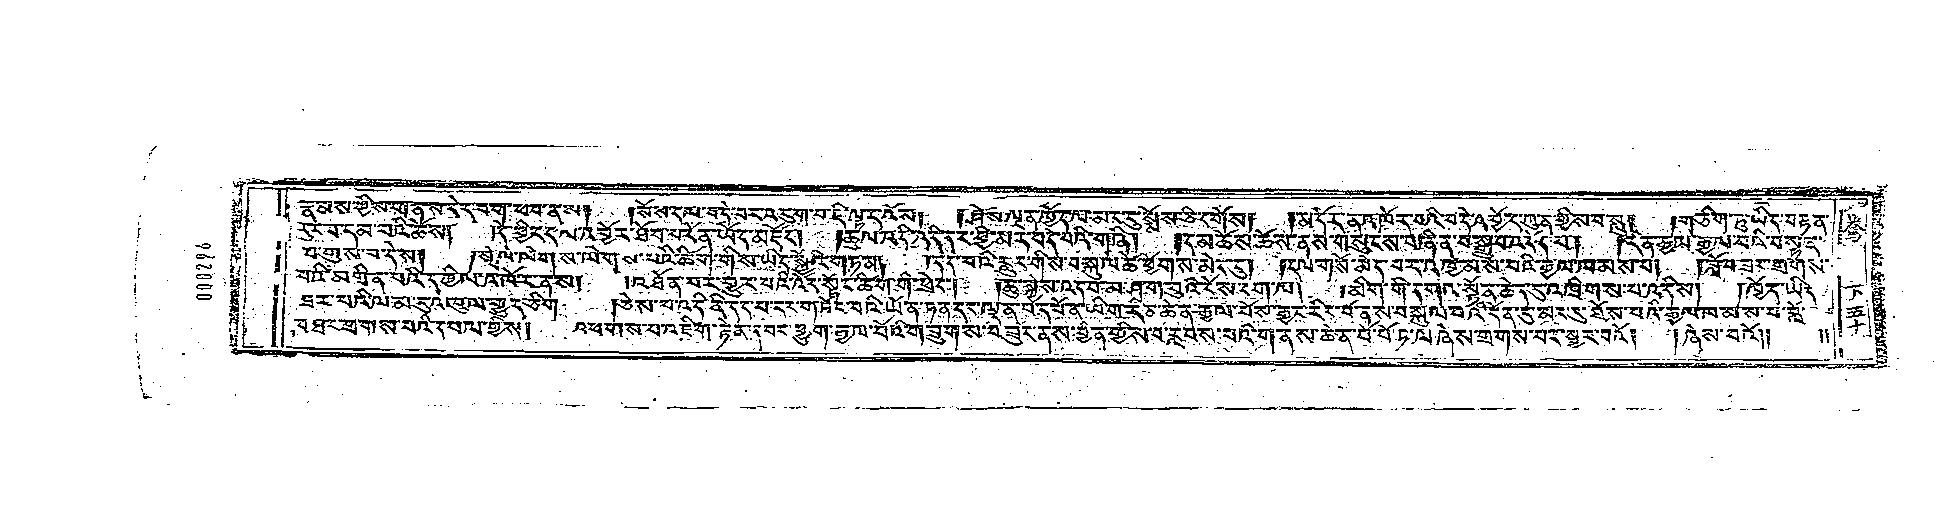རྣམས་ཀྱིས་གནས་དེར་བག་ཕབ་ནས། །སོས་དལ་བདེ་བར་འདུག་པ་ཇི་ལྟར་འོས། །ཤེས་ལྡན་ཁྱོད་ལ་མང་དུ་སྨོས་ཅི་དགོས། །མདོར་ན་འཁོར་བའི་བདེ་འབྱོད་ཀུན་གྱིས་བསླུ། །གཅིག་ཏུ་ཡིད་བརྟན་
རུང་བ་དམ་པའི་ཆོས། །དེ་ཕྱིར་དལ་འབྱོར་ཐོབ་པ་དོན་ཡོད་མཛོད། །ཚུལ་འདི་འདི་དང་ཕྱི་མར་བདེ་བའི་གཞི། །དམ་ཆོས་ཆོས་ནས་གསུངས་བཞིན་བ་སྒྲུབ་འདོད་པ། །རིན་རྒྱལ་རྒྱལ་བའི་བསྟན་
པ་གུས་པ་དེས། །སྤེལ་ལེགས་ལེགས་པའི་ཚིག་གིས་ཡིད་སྐྱོའི་གཏམ། །དད་པའི་རླུང་གིས་བསྐུལ་ཚེ་ཕྱོགས་མེད་དུ། །དལ་གསོ་མེད་པར་འཁྱམས་པའི་རྒྱལ་ཁམས་པ། །བློ་བཟང་གྲགས་
པའི་མགྲིན་པའི་དཀྱིལ་འཁོར་ནས། །འཐོན་པར་གྱུར་པའི་འོད་སྟོང་ཚིག་གི་ཕྲེང་། །ཆུ་སྐྱེས་འདབ་མ་ཤོག་བུའི་ངོས་དག་ལ། །མིག་གི་དགའ་སྟོན་ཆེད་དུ་འཁྲིགས་པ་འདིས། །ཁྱོད་ཡིད་
ཐར་པའི་ལམ་དུ་འཁུལ་གྱུར་ཅིག །ཅེས་པ་འདི་ནི་དད་པ་དང་གཏོང་བའི་ཡོན་ཏན་དང་ལྡན་པ་དཔོན་ཡིག་རིན་ཆེན་རྒྱལ་པོས་རྒྱང་རིང་པོ་ནས་བསྐུལ་བའི་དོན་དུ་མང་དུ་ཐོས་པའི་རྒྱལ་ཁམས་པ་བློ་
བཟང་གྲགས་པའི་དཔལ་གྱིས། འཕགས་པ་འཇིག་རྟེན་དབང་ཕྱུགས་རྒྱལ་པོའི་གཟུགས་བཟུང་ནས་བྱིན་གྱིས་བརླབས་པའི་གནས་ཆེན་པོ་པ་ཏ་ལ་ཞེས་གྲགས་པར་སྦྱར་བའོ། །ཞེས་པའོ།། །།